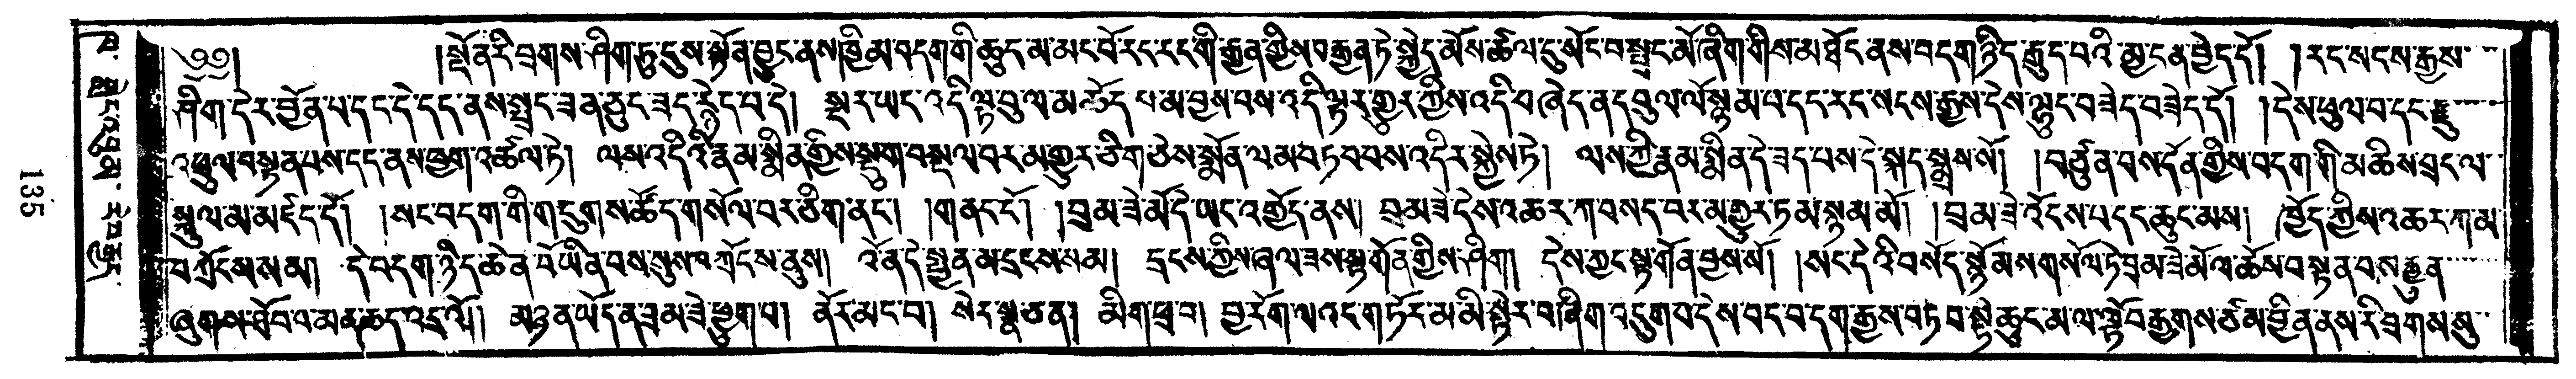༄༅། །སྔོན་རི་བྲགས་ཤིག་ཏུ་དུས་སྟོན་བྱུང་ནས་ཁྱིམ་བདག་གི་ཆུང་མ་མང་བོ་རང་རང་གི་རྒྱན་གྱིས་བརྒྱན་ཏེ་སྐྱེད་མོས་ཚལ་དུ་སོང་བ་སྤྲང་མོ་ཞིག་གིས་མཐོང་ནས་བདག་ཉིད་རྒུད་པའི་མྱ་ངན་བྱེད་དོ། །རང་སངས་རྒྱས་
ཤིག་དེར་བྱོན་པ་དང་དེ་དད་ནས་སྤྲང་ཟན་ཅུང་ཟད་རྙེད་པ་དེ། སྔར་ཡང་འདི་ལྟ་བུ་ལ་མཆོད་པ་མ་བྱས་པས་འདི་ལྟར་གྱུར་ཀྱིས་འདི་བཞེད་ན་དབུལ་ལོ་སྙམ་པ་དང་རང་སངས་རྒྱས་དེས་ལྷུང་བཟེད་བཟེད་དོ། །དེས་ཕུལ་བ་དང་རྫུ་
འཕྲུལ་བསྟན་པས་དད་ནས་ཕྱག་འཚལ་ཏེ། ལས་འདིའི་རྣམ་སྨིན་གྱིས་སྡུག་བསྔལ་བར་མ་གྱུར་ཅིག་ཅེས་སྨོན་ལམ་བཏབ་བས་འདིར་སྐྱེས་ཏེ། ལས་ཀྱི་རྣམ་སྨིན་དེ་ཟད་པས་དེ་སྐད་སྨྲས་སོ། །བཙུན་བས་དོན་གྱིས་བདག་གི་མཆིས་བྲང་ལ་
སྐུལ་མ་མཛད་དོ། །སང་བདག་གི་གདུགས་ཚོད་གསོལ་བར་ཅིག་ནང་། །གནང་ངོ། །བྲམ་ཟེ་མོ་དེ་ཡང་འགྱོད་ནས། བྲམ་ཟེ་དེས་འཆར་ཀ་བསད་བར་མ་གྱུར་ཏམ་སྙམ་མོ། །བྲམ་ཟེ་འོངས་པ་དང་ཆུང་མས། ཁྱོད་ཀྱིས་འཆར་ཀ་མ་
བཀྲོངས་སམ། དེ་བདག་ཉིད་ཆེན་པོ་ཡིན་པས་སུས་བཀྲོངས་ནུས། འོ་ན་དེ་སྤྱན་མ་དྲངས་སམ། དྲངས་ཀྱིས་ཞལ་ཟས་སྟ་གོན་གྱིས་ཤིག། དེས་ཀྱང་སྟ་གོན་བྱས་སོ། །སང་དེའི་བསོད་སྙོམས་གསོལ་ཏེ་བྲམ་ཟེ་མོ་ལ་ཆོས་བསྟན་པས་རྒྱུན་
ཞུགས་ཐོབ་བ་མན་ཆད་འདྲའོ། །མཉན་ཡོད་ན་བྲམ་ཟེ་ཕྱུག་པ། ནོར་མང་བ། སེར་སྣ་ཅན། མིག་ཕྲ་བ། བྱ་རོག་ལའང་གཏོར་མ་མི་སྟེར་བཞིག་འདུག་པ་དེས་བད་བ་དག་རྒྱས་བཏབ་སྟེ་ཆུང་མ་ལ་ལྟོ་བརྒྱགས་ཙམ་བྱིན་ནས་རི་བྲགས་སུ་